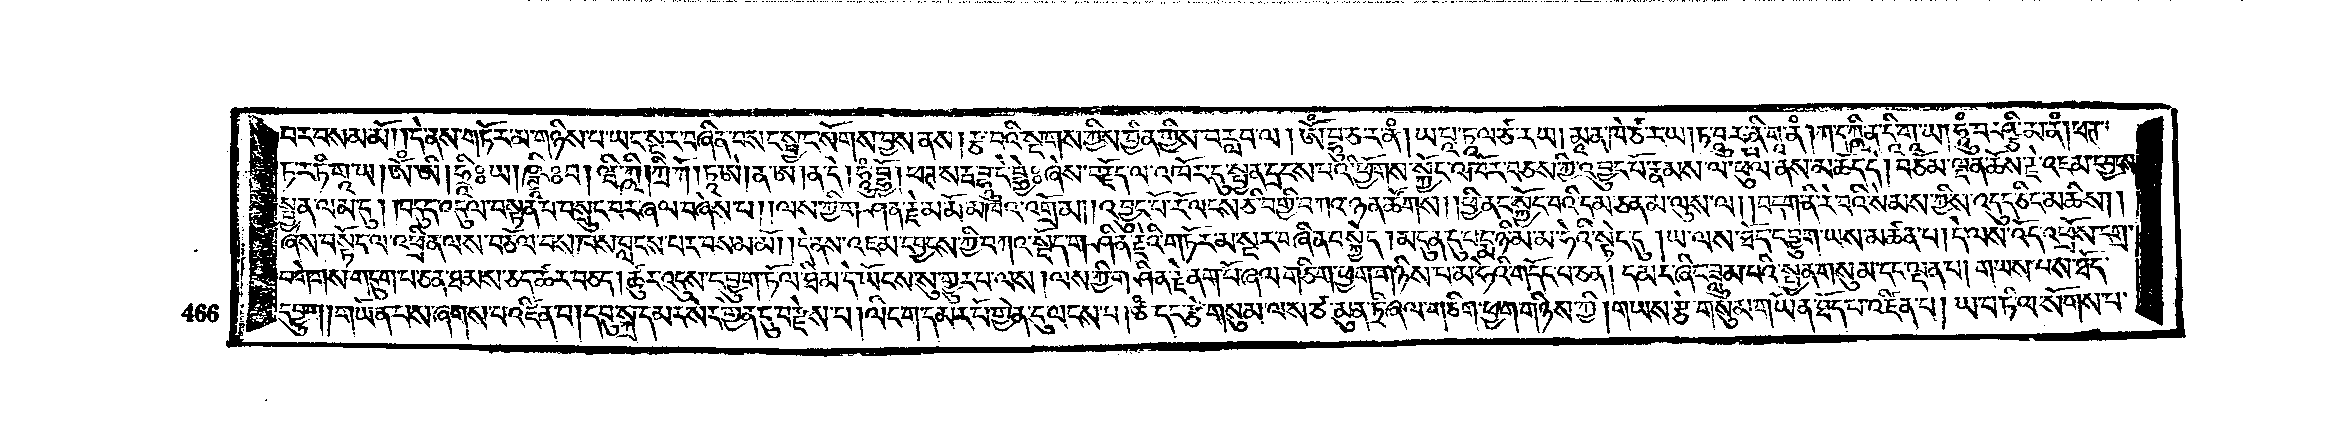པར་བསམ་མོ། །དེ་ནས་གཏོར་མ་གཉིས་པ་ཡང་སྔར་བཞིན་བསང་སྦྱང་སོགས་བྱས་ནས། རྩ་བའི་སྔགས་ཀྱིས་བྱིན་གྱིས་བརླབ་ལ། ཨོཾ་བྷུ་ཅ་ར་ནཾ། ཡ་པཱ་ཏཱ་ལ་ཙ་ར་ཡ། མཱན་ཁེ་ཙ་ར་ཡ། ཏ་བཱུར་པ་ནི་གཱ་ནཾ། ཀ་ད་ཀྵི་ན་དཱི་གཱ་ཡ། ཧཱུཾ་བ་ཤྩི་མ་ནཾ། ཕཊ་ཨུད་
ཏ་ར་ཏི་གཱ་ཡ། ཨོཾ་ཨི། ཧྲཱིཿ ཡ། ཥྚྲཱིཿ བ། ཝི་ཀྵི། ཀྲི་ཀོ། ཏཱ་ཨེ། ན་ཨ། ན་དེ། ཧཱུཾ་བྷྱོ། ཕཊ་སརྦ་བྷཱུ་དེ་བྷྱེཿ ཞེས་བརྗོད་ལ་འཁོར་དུ་སྤྱན་དྲངས་པའི་ཕྱོགས་སྐྱོང་འཁོར་བཅས་ཀྱི་འབྱུང་པོ་རྣམས་ལ་ཕུལ་ནས་མཆོད་དེ། བཅོམ་ལྡན་ཆོས་རྗེ་འཇམ་དབྱངས་
སྤྱན་ལམ་དུ། །བདུད་འདུལ་བསྟན་པ་བསྲུང་བར་ཞལ་བཞེས་པ། །ལས་ཀྱི་གཤིན་རྗེ་མ་མོ་མཁའ་འགྲོ་མ། །འབྱུང་པོ་རོ་ལངས་ཅི་བགྱི་བཀའ་ཉན་ཚོགས། །ཕྱི་ནང་སྐྱོང་བའི་དམ་ཅན་མ་ལུས་ལ། །བདག་ནི་རེ་བའི་སེམས་ཀྱིས་འདུད་ཅིང་མཆིས། །
ཞེས་བསྟོད་ལ་འཕྲིན་ལས་བཅོལ་བས་ཁས་བླངས་པར་བསམ་མོ། །དེ་ནས་འཇམ་དབྱངས་ཀྱི་བཀའ་སྡོད་གཤིན་རྗེའི་གཏོར་མ་སྔར་བཞིན་བསྐྱེད། མདུན་དུ་པདམ་ཉི་མ་མ་ཧེའི་སྟེང་དུ། ཡ་ལས་ཐོད་དབྱུག་ཡས་མཚན་པ། དེ་ལས་འོད་འཕྲོས་དགྲ་
བགེགས་གདུག་པ་ཅན་ཐམས་ཅད་ཚར་བཅད། ཚུར་འདུས་དབྱུག་ཏོལ་ཐིམ་དེ་ཡོངས་སུ་གྱུར་པ་ལས། ལས་ཀྱི་གཤིན་རྗེ་ནག་པོ་ཞལ་གཅིག་ཕྱག་གཉིས་པ་མ་ཧེའི་གདོང་པ་ཅན། དམར་ཞིང་ཟླུམ་པའི་སྤྱན་གསུམ་དང་ལྡན་པ། གཡས་ལས་ཐོ་
དབྱུག །གཡོན་པས་ཞགས་པ་འཛིན་པ། དབུ་སྐྲ་དམར་སེར་གྱེན་དུ་བརྫེས་པ། ལིང་ག་དམར་པོ་གྱེན་དུ་ལངས་པ། ཙཾ་དང་རྩེ་གསུམ་ལས་རྩ་མུན་ཏྲི་ཞལ་གཅིག་ཕྱག་གཉིས་ཀྱི། གཡས་རྩེ་གསུམ་གཡོན་ཐོད་པ་འཛིན་པ། ཡ་བ་ཏི་ལ་སོགས་པ་